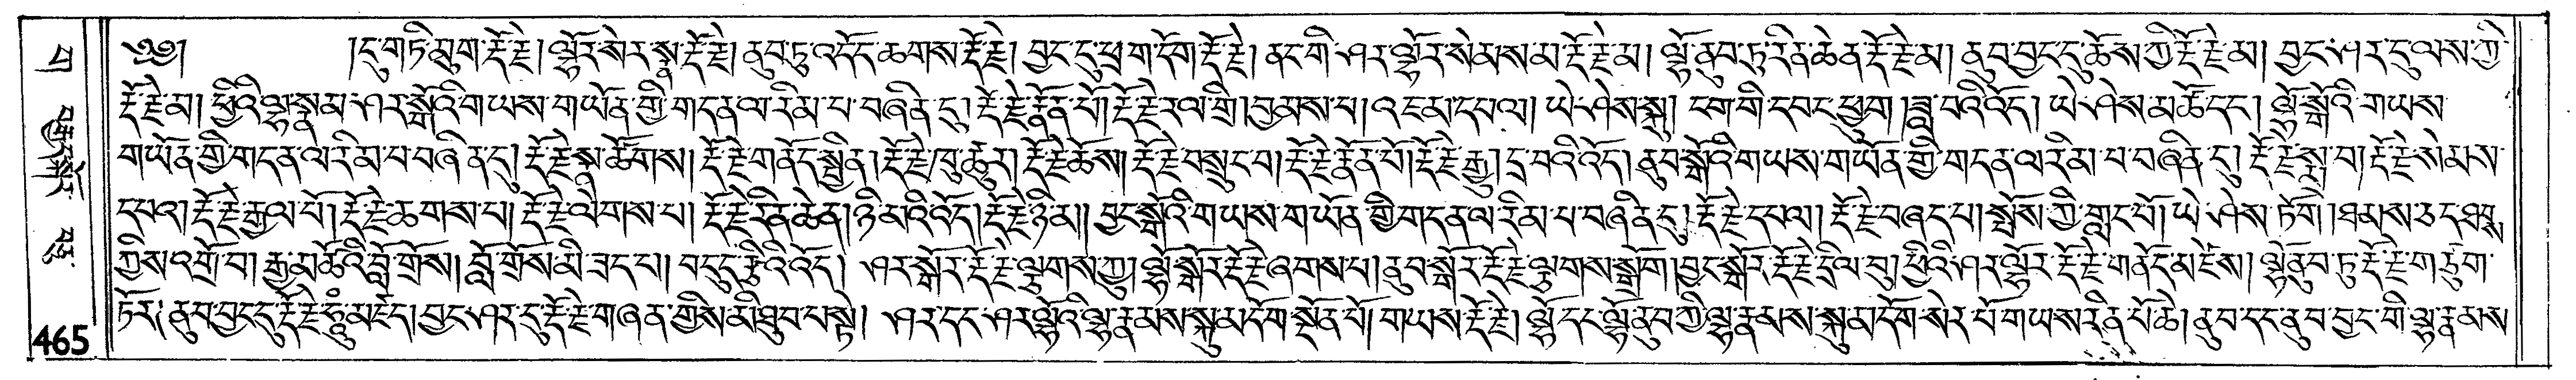༄༅། །དུ་གཏི་མུག་རྡོ་རྗེ། ལྷོར་སེར་སྣ་རྡོ་རྗེ། ནུབ་ཏུ་འདོད་ཆགས་རྡོ་རྗེ། བྱང་དུ་ཕྲག་དོག་རྡོ་རྗེ། ནང་གི་ཤར་ལྷོར་སེམས་མ་རྡོ་རྗེ་མ། ལྷོ་ནུབ་ཏུ་རིན་ཆེན་རྡོ་རྗེ་མ། ནུབ་བྱང་དུ་ཆོས་ཀྱི་རྡོ་རྗེ་མ། བྱང་ཤར་དུ་ལས་ཀྱི་
རྡོ་རྗེ་མ། ཕྱིའི་ལྷ་སྣམ་ཤར་སྒོའི་གཡས་གཡོན་གྱི་གདན་ལ་རིམ་པ་བཞིན་དུ། རྡོ་རྗེ་རྣོན་པོ། རྡོ་རྗེ་རལ་གྲི། བྱམས་པ། འཇམ་དཔལ། ཡེ་ཤེས་སྐུ། ངག་གི་དབང་ཕྱུག །ཟླ་བའི་འོད། ཡེ་ཤེས་མཚོ་དང་། ལྷོ་སྒོའི་གཡས་
གཡོན་གྱི་གདན་ལ་རིམ་པ་བཞིན་དུ། རྡོ་རྗེ་སྣ་ཚོགས། རྡོ་རྗེ་གནོད་སྦྱིན། རྡོ་རྗེ་ཁུ་ཚུར། རྡོ་རྗེ་ཆོས། རྡོ་རྗེ་བསྲུང་བ། རྡོ་རྗེ་རྣོན་པོ། རྡོ་རྗེ་རྒྱུ། དྲ་བའི་འོད། ནུབ་སྒོའི་གཡས་གཡོན་གྱི་གདན་ལ་རིམ་པ་བཞིན་དུ། རྡོ་རྗེ་སྨྲ་བ། རྡོ་རྗེ་སེམས་
དཔའ། རྡོ་རྗེ་རྒྱལ་པོ། རྡོ་རྗེ་ཆགས་པ། རྡོ་རྗེ་ལེགས་པ། རྡོ་རྗེ་རིན་ཆེན། ཉི་མའི་འོད། རྡོ་རྗེ་ཉི་མ། བྱང་སྒོའི་གཡས་གཡོན་གྱི་གདན་ལ་རིམ་པ་བཞིན་དུ། རྡོ་རྗེ་དཔལ། རྡོ་རྗེ་བཞད་པ། སྤོས་ཀྱི་གླང་པོ། ཡེ་ཤེས་ཏོག །ཐམས་ཅད་ཐབས་
ཀྱིས་འགྲོ་བ། རྒྱ་མཚོའི་བློ་གྲོས། བློ་གྲོས་མི་ཟད་པ། བདུད་རྩིའི་འོད། ཤར་སྒོར་རྡོ་རྗེ་ལྕགས་ཀྱུ། ལྷོ་སྒོར་རྡོ་རྗེ་ཞགས་པ། ནུབ་སྒོར་རྡོ་རྗེ་ལྕགས་སྒྲོག །བྱང་སྒོར་རྡོ་རྗེ་དྲིལ་བུ། ཕྱིའི་ཤར་ལྷོར་རྡོ་རྗེ་གནོད་མཛེས། ལྷོ་ནུབ་ཏུ་རྡོ་རྗེ་གཙུག་
ཏོར། ནུབ་བྱང་དུ་རྡོ་རྗེ་ཧཱུཾ་མཛད། བྱང་ཤར་དུ་རྡོ་རྗེ་གཞན་གྱིས་མི་ཐུབ་པ་སྟེ། ཤར་དང་ཤར་ལྷོའི་ལྷ་རྣམས་སྐུ་མདོག་སྔོན་པོ། གཡས་རྡོ་རྗེ། ལྷོ་དང་ལྷོ་ནུབ་ཀྱི་ལྷ་རྣམས་སྐུ་མདོག་སེར་པོ་གཡས་རིན་པོ་ཆེ། ནུབ་དང་ནུབ་བྱང་གི་ལྷ་རྣམས་